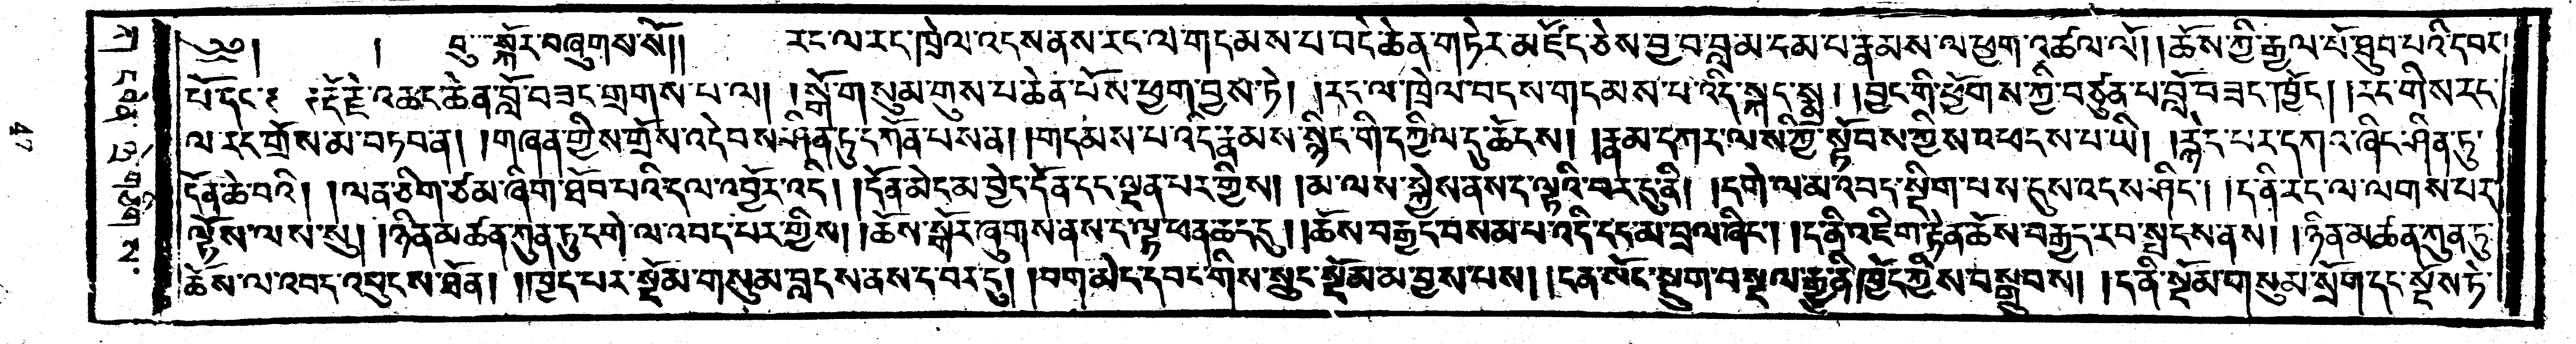༄༅། །བུ་སྐོར་བཞུགས་སོ།། རང་ལ་རང་ཁྲེལ་འདས་ནས་རང་ལ་གདམས་པ་བདེ་ཆེན་གཏེར་མཛོད་ཅེས་བྱ་བ་བླ་མ་དམ་པ་རྣམས་ལ་ཕྱག་འཚལ་ལོ། །ཆོས་ཀྱི་རྒྱལ་པོ་ཐུབ་པའི་དབང་
པོ་དང༑ ༑རྡོ་རྗེ་འཆང་ཆེན་བློ་བཟང་གྲགས་པ་ལ། །སྒོ་གསུམ་གུས་པ་ཆེན་པོས་ཕྱག་བྱས་ཏེ། །རང་ལ་ཁྲེལ་བདས་གདམས་པ་འདི་སྐད་སྨྲ། །བྱང་གི་ཕྱོགས་ཀྱི་བཙུན་པ་བློ་བཟང་ཁྱོད། །རང་གིས་རང་
ལ་རང་གྲོས་མ་བཏབ་ན། །གཞན་གྱིས་གྲོས་འདེབས་ཤིན་ཏུ་དཀོན་པས་ན། །གདམས་པ་འདི་རྣམས་སྙིང་གི་དཀྱིལ་དུ་ཆོངས། །རྣམ་དཀར་ལས་ཀྱི་སྟོབས་ཀྱིས་འཕངས་པ་ཡི། །རྙེད་པར་དཀའ་ཞིང་ཤིན་ཏུ་
དོན་ཆེ་བའི། །ལན་ཅིག་ཙམ་ཞིག་ཐོབ་པའི་དལ་འབྱོར་འདི། །དོན་མེད་མ་བྱེད་དོན་དང་ལྡན་པར་གྱིས། །མ་ལས་སྐྱེས་ནས་ད་ལྟའི་བར་དུ་ནི། །དགེ་ལ་མ་འབད་སྡིག་པས་དུས་འདས་ཤིང་། །ད་ནི་རང་ལ་ལགས་པར་
ལྟོས་ལས་སུ། །ཉིན་མཚན་ཀུན་ཏུ་དགེ་ལ་འབད་པར་གྱིས། །ཆོས་སྒོར་ཞུགས་ནས་ད་ལྟ་ཕན་ཆད་དུ། །ཆོས་བརྒྱད་བསམ་པ་འདི་དང་མ་བྲལ་ཞིང་། །ད་ནི་འཇིག་རྟེན་ཆོས་བརྒྱད་རབ་སྤངས་ནས། །ཉིན་མཚན་ཀུན་ཏུ་
ཆོས་ལ་འབད་འབུངས་ཐོན། །ཁྱད་པར་སྡོམ་གསུམ་བླངས་ནས་ད་བར་དུ། །བག་མེད་དབང་གིས་སྲུང་སྡོམ་མ་བྱས་པས། །ངན་སོང་སྡུག་བསྔལ་རྒྱུ་ནི་ཁྱོད་ཀྱིས་བསྒྲུབས། །ད་ནི་སྡོམ་གསུམ་སྲོག་དང་སྔོས་ཏེ་